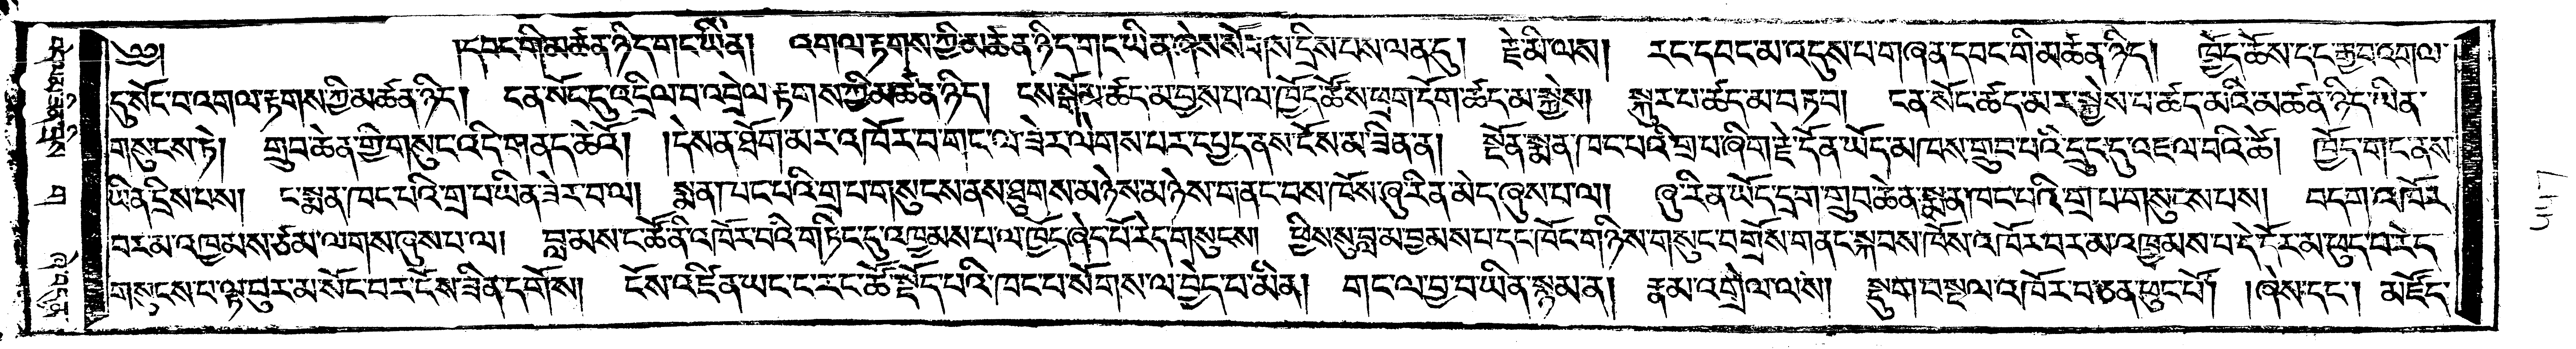༄༅། །དབང་གི་མཚན་ཉིད་གང་ཡིན། འགལ་རྟགས་ཀྱི་མཚན་ཉིད་གང་ཡིན་ཞེས་སོགས་དྲིས་པས་ལན་དུ། རྗེ་མི་ལས། རང་དབང་མ་འདུས་པ་གཞན་དབང་གི་མཚན་ཉིད། ཁྱོད་ཆོས་དང་རྒྱབ་འགལ་
དུ་སོང་བ་འགལ་རྟགས་ཀྱི་མཚན་ཉིད། ངན་སོང་དུ་འདྲིལ་བ་འབྲེལ་རྟགས་ཀྱི་མཚན་ཉིད། ངས་སྒོམ་ཚད་མ་བྱས་པ་ལ་ཁྱོར་ཚོས་ཕྲག་དོག་ཚད་མ་སྐྱེས། སྐུར་པ་ཚད་མ་བཏབ། ངན་སོང་ཚད་མར་སྐྱེས་པ་ཚད་མའི་མཚན་ཉིད་ཡིན་
གསུངས་ཏེ། གྲུབ་ཆེན་གྱི་གསུང་འདི་གནད་ཆེའོ། །དེས་ན་ཐོག་མར་འཁོར་བ་གང་ལ་ཟེར་ལེགས་པར་དཔྱད་ནས་ངོས་མ་ཟིན་ན། སྡོན་སྨན་ཁང་པའི་གྲབ་ཞིག་རྗེ་དོན་ཡོད་མཁས་གྲུབ་པའི་དྲུང་དུ་འཇལ་བའི་ཆོ། ཁྱོད་གང་ནས་
ཡིན་དྲིས་པས། ང་སྨན་ཁང་པའི་གྲ་པ་ཡིན་ཟེར་བ་ལ། སྨན་ཁང་པའི་གྲ་པ་གསུངས་ནས་ཐུགས་མཉེས་མཉེས་གནང་བས་ཁོས་ཞུ་རིན་མོད་ཞུས་པ་ལ། ཞུ་རིན་ཡོད་དྲག་གྲུབ་ཆེན་སྨན་ཁང་པའི་གྲ་པ་གསུངས་པས། བདག་འཁོར་
པར་མ་འཁྱམས་ཙམ་ལགས་ཞུས་པ་ལ། བླ་མས་ང་ཚོ་ནི་འཁོར་བའི་གཏིང་དུ་འཁྱམས་པ་ལ་ཁྱོད་ཞེད་པོ་རེད་གསུངས། ཕྱིས་སུ་བླ་མ་བྱམས་པ་དང་ཁོང་གཉིས་གསུང་བགྲོས་གང་སྐབས་ཁོས་འཁོར་བར་མ་འཁྱམས་པ་དེ་དོར་མ་ཕུད་པ་རེད་
གསུངས་པ་ལྟ་བུར་མ་སོང་བར་ངོས་ཟིན་དགོས། ངོས་འཛིན་ཡང་ང་རང་ཚོ་སྡོད་པའི་ཁང་པ་སོགས་ལ་བྱེད་པ་མིན། གང་ལ་བྱ་བ་ཡིན་སྙམ་ན། རྣམ་འགྲེལ་ལས། སྡུག་བསྔལ་འཁོར་བ་ཅན་ཕུང་པོ། །ཞེས་དང་། མཛོད་